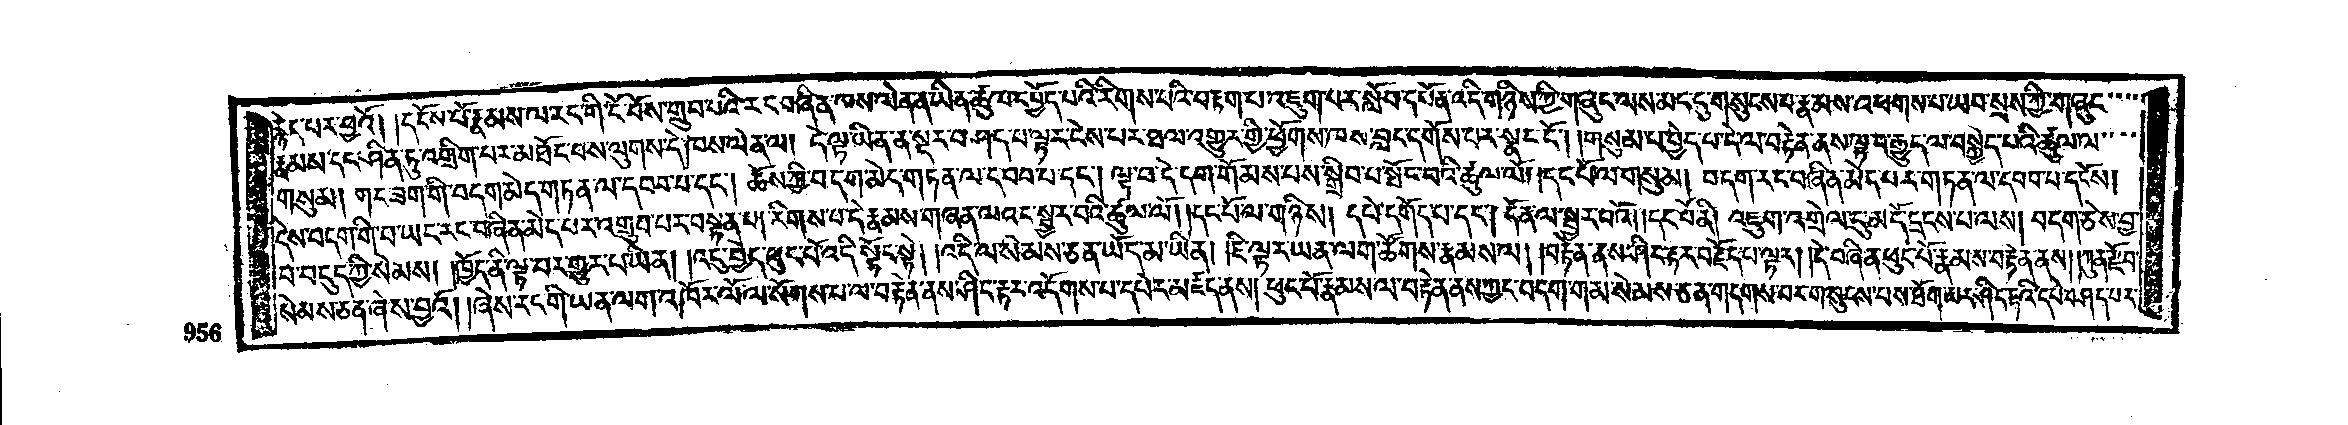རྙེད་པར་བྱའོ། །དངོས་པོ་རྣམས་ལ་རང་གི་ངོ་བོས་གྲུབ་པའི་རང་བཞིན་ཁས་ལེན་ན་ཡིན་ཚུལ་དཔྱོད་པའི་རིགས་པའི་བརྟག་པ་འཇུག་པར་སློབ་དཔོན་འདི་གཉིས་ཀྱི་གཞུང་ལས་མང་དུ་གསུངས་པ་རྣམས་འཕགས་པ་ཡབ་སྲས་ཀྱི་གཞུང་
རྣམས་དང་ཤིན་ཏུ་འགྲིག་པར་མཐོང་བས་ལུགས་དེ་ཁས་ལེན་ལ། དེ་ལྟ་ཡིན་ན་སྔར་བཤད་པ་ལྟར་ངེས་པར་ཐལ་འགྱུར་གྱི་ཕྱོགས་ཁས་བླང་དགོས་པར་སྣང་ངོ། །གསུམ་པ་བྱེད་པ་དེ་ལ་བརྟེན་ནས་ལྟ་བ་རྒྱུད་ལ་བསྐྱེད་པའི་ཚུལ་ལ་
གསུམ། གང་ཟག་གི་བདག་མེད་གཏན་ལ་དབབ་པ་དང་། ཆོས་ཀྱི་བདག་མེད་གཏན་ལ་དབབ་པ་དང་། ལྟ་བ་དེ་དག་གོམས་པས་སྒྲིབ་པ་སྤོང་བའི་ཚུལ་ལོ། །དང་པོ་ལ་གསུམ། བདག་རང་བཞིན་མེད་པར་གཏན་ལ་དབབ་པ་དངོས།
དེས་བདག་གི་བ་ཡང་རང་བཞིན་མེད་པར་འགྲུབ་པར་བསྟན་པ། རིགས་པ་དེ་རྣམས་གཞན་ལའང་སྦྱར་བའི་ཚུལ་ལོ། །དང་པོ་ལ་གཉིས། དཔེ་དགོད་པ་དང་། དོན་ལ་སྦྱར་བའོ། །དང་པོ་ནི། འཇུག་འགྲེལ་དུ་མདོ་དྲངས་པ་ལས། བདག་ཅེས་བྱ་
བ་བདུད་ཀྱི་སེམས། །ཁྱོད་ནི་ལྟ་བར་གྱུར་པ་ཡིན། །འདུ་བྱེད་ཕུང་པོ་འདི་སྟོང་སྟེ། །འདི་ལ་སེམས་ཅན་ཡོད་མ་ཡིན། །ཇི་ལྟར་ཡན་ལག་ཚོགས་རྣམས་ལ། །བརྟེན་ནས་ཤིང་རྟར་བརྗོད་པ་ལྟར། །དེ་བཞིན་ཕུང་པོ་རྣམས་བརྟེན་ནས། །ཀུན་རྫོབ་
སེམས་ཅན་ཞེས་བྱའོ། །ཞེས་རང་གི་ཡན་ལག་འཁོར་ལོ་ལ་སོགས་པ་ལ་བརྟེན་ནས་ཤིང་རྟར་འདོགས་པ་དཔེར་མཛད་ནས། ཕུང་པོ་རྣམས་ལ་བརྟེན་ནས་ཀྱང་བདག་གམ་སེམས་ཅན་གདགས་པར་གསུངས་པས་ཐོག་མར་ཤིང་རྟའི་དཔེ་བཤད་པར་